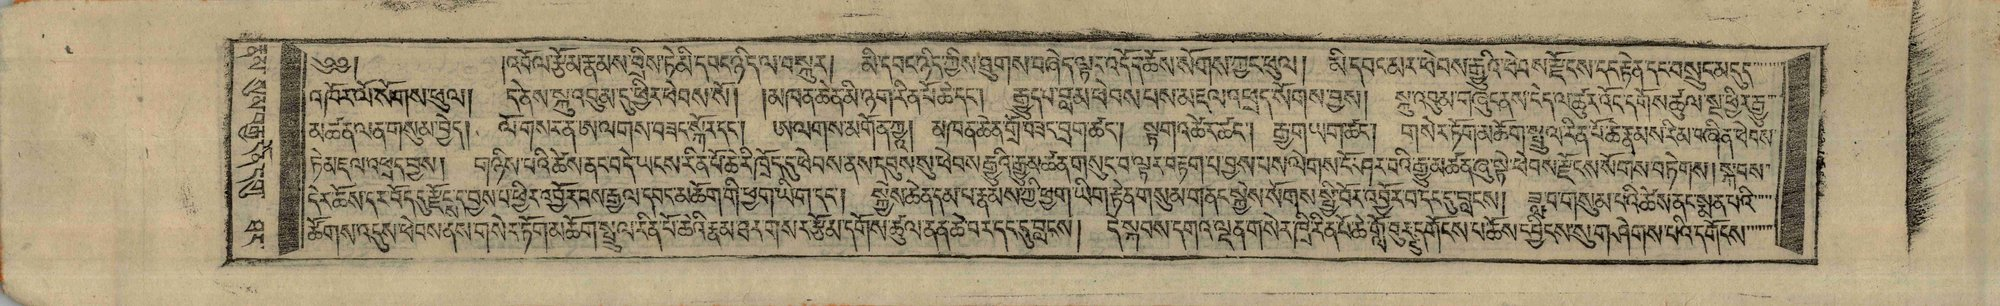༄༅། །འབོལ་རྩོམ་རྣམས་བྲིས་ཏེ་མི་དབང་ཉིད་ལ་བསྐུར། མི་དབང་ཉིད་ཀྱིས་ཐུགས་བཞེད་ལྟར་འདོད་ཆོས་སོགས་ཀྱང་ཕུལ། མི་དབང་མར་ཕེབས་རྒྱུའི་ཕེབས་རྫོངས་དང་རྟེན་དང་བསྲུང་མདུད་
འཁོར་ལོ་སོགས་ཕུལ། དེ་ནས་སྐུ་འབུམ་དུ་ཕྱིར་ཕེབས་སོ། །མཁན་ཆེན་མི་ཉག་རིན་པོ་ཆེ་དང་། རྒྱུད་པ་བླ་མ་ཕེབས་པས་མཇལ་འཕྲད་སོགས་བྱས། སྐུ་འབུམ་གཞུང་ནས་ངེད་ལ་ཚུར་འོང་དགོས་ཚུལ་སྔ་ཕྱིར་རྒྱུ་
མཚན་ལན་གསུམ་བྱེད། ལོ་གསར་ན་ཨ་ལགས་བཟང་སྐོར་དང་། ཨ་ལགས་མགོན་ཀྱཱ། མཁན་ཆེན་གྲོ་བཟང་བྲག་ཚང་། སྟག་འཚེར་ཚང་། རྒྱ་གཡག་ཚང་། གསེར་ཏོག་མཆོག་སྤྲུལ་རིན་པོ་ཆེ་རྣམས་རིམ་བཞིན་ཕེབས་
ཏེ་མཇལ་འཕྲད་བྱས། གཉིས་པའི་ཚེས་ནང་བདེ་ཡངས་རིན་པོ་ཆེ་རི་ཁྲོད་དུ་ཕེབས་ནས་དབུས་སུ་ཕེབས་རྒྱུའི་རྒྱུ་མཚན་གསུང་བ་ལྟར་བརྟག་པ་བྱས་པས་ལེགས་ངོ་ཤར་བའི་རྒྱུ་མཚན་ཞུ་སྟེ་ཕེབས་རྫོངས་སོགས་བཏེགས། སྐབས་
དེར་ཆོས་དར་བོད་དུ་རྫོངས་ད་བྱས་པ་ཕྱིར་འབྱོར་བས་རྒྱལ་དབང་མཆོག་གི་ཕྱག་ཡིག་དང་། སྐྱེས་ཆེན་དམ་པ་རྣམས་ཀྱི་ཕྱག་ཡིག་རྟེན་གསུམ་གནང་སྐྱེས་སོགས་སྤྱི་བོར་འབྱོར་བ་དང་དུ་བླངས། ཟླ་བ་གསུམ་པའི་ཚེས་ནང་སྨན་པའི་
ཚོགས་འདུས་ཕེབས་ནས་གསིར་ཏོག་མཆོག་སྤྲུལ་རིན་པོ་ཆེའི་རྣམ་ཐར་གསར་རྩོམ་དགོས་ཚུལ་ནན་ཆེ་བར་དང་དུ་བླངས། དེ་སྐབས་དགའ་ལྡན་གསེར་ཁྲི་རིན་པོ་ཆེ་གློ་བུར་དུ་དགོངས་པ་ཆོས་དབྱིངས་སུ་གཤེགས་པའི་དགོངས་